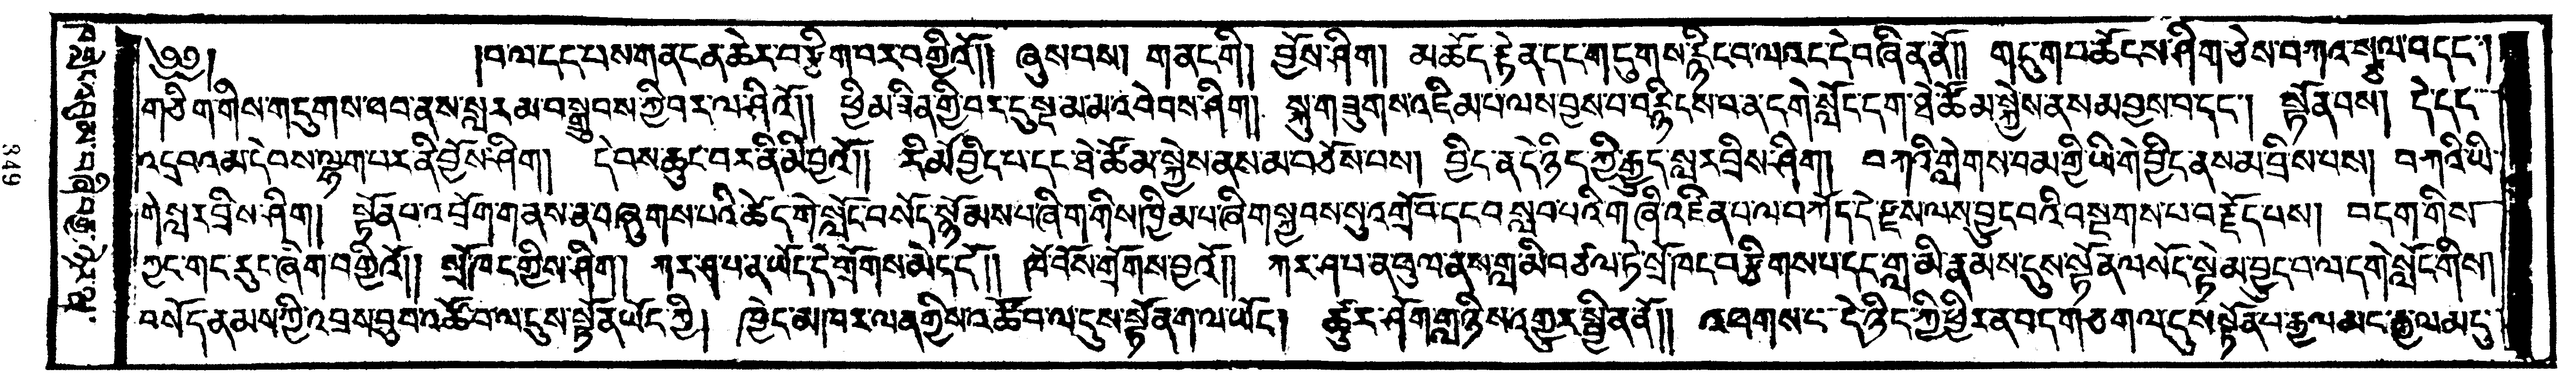༄༅། །བ་ལ་དད་པས་གནང་ན་ཆེར་བརྩིག་བར་བགྱིའོ།། ཞུས་པས། གནང་གི། བྱོས་ཤིག། མཆོད་རྟེན་དང་གདུགས་རྙིང་བ་ལའང་དེ་བཞིན་ནོ།། གདུ་གབ་ཆོངས་ཤིག་ཅེས་བཀའ་སྩལ་བ་དང་།
གཅིག་གིས་གདུགས་ཕབ་ནས་སླར་མ་བསྒྲུབས་ཀྱི་བར་ལ་ཤིའོ།། ཕྱི་མ་ཟིན་གྱི་བར་དུ་སྔ་མ་མ་འབེབས་ཤིག། སྐུ་གཟུགས་འཇིམ་པ་ལས་བྱས་པ་བརྙིངས་པ་ན་དགེ་སློང་དག་ཐེ་ཚོམ་སྐྱེས་ནས་མ་བྱས་པ་དང་། སྟོན་པས། དེ་དང་
འདྲ་བའམ་དེ་བས་ལྷག་པར་ནི་བྱོས་ཤིག། དེ་བས་ཆུང་བར་ནི་མི་བྱའོ།། རི་མོ་བྱིང་པ་དང་ཐེ་ཚོམ་སྐྱེས་ནས་མ་བཅོས་པས། བྱིང་ན་དེ་ཉིད་ཀྱི་རྒྱུད་སླར་བྲིས་ཤིག། བཀའི་གླེགས་བམ་གྱི་ཡི་གེ་བྱིང་ནས་མ་བྲིས་པས། བཀའི་ཡི་
གེ་སླར་བྲིས་ཤིག། སྟོན་པ་འབྲོག་གནས་ན་བཞུགས་པའི་ཚེ་དགེ་སློང་བསོད་སྙོམས་པ་ཞིག་གིས་ཁྱིམ་པ་ཞིག་སྐྱབས་སུ་འགྲོ་བ་དང་བསླབ་པའི་གཞི་འཛིན་པ་ལ་བཀོད་དེ་རྫས་ལས་བྱུང་བའི་བསྔགས་པ་བརྗོད་པས། བདག་གིས་
ཀྱང་གང་རུང་ཞིག་བགྱིའོ། །སྲོ་ཁང་གྱིས་ཤིག། ཀར་ཤ་པ་ན་ཡོད་དེ་གྲོགས་མེད་དོ།། ཁོ་བོས་གྲོགས་བྱའོ།། ཀར་ཤ་པ་ན་ཕུལ་ནས་གླ་མི་བཙལ་ཏེ་སྲོ་ཁང་བརྩིགས་པ་དང་གླ་མི་རྣམས་དུས་སྟོན་ལ་སོང་སྟེ་མ་བྱུང་བ་ལ་དགེ་སློང་གིས།
བསོད་ནམས་ཀྱི་འབྲས་བུབ་འཚོལ་བ་ལ་དུས་སྟོན་ཡོང་ཀྱི། ཁྱེད་མཁར་ལན་གྱིས་འཚོ་བ་ལ་དུས་སྟོན་ག་ལ་ཡོང་། ཚུར་ཤོག་གླ་ཉིས་འགྱུར་སྦྱིན་ནོ།། འཕགས་པ་དེ་ཉིད་ཀྱི་ཕྱིར་ན་བདག་ཅག་ལ་དུས་སྟོན་པ་རྒྱལ་མང་རྒྱ་ལམ་དུ་